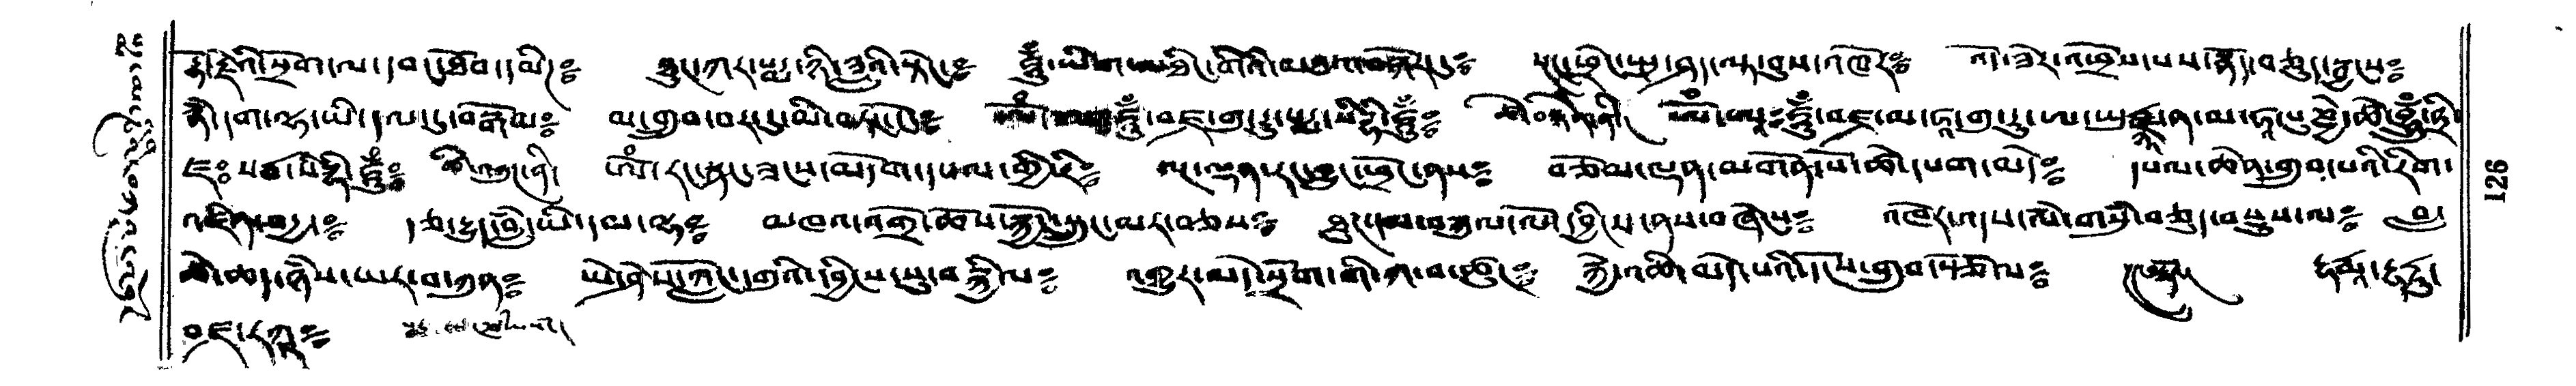རྡོ་རྗེའི་སྲོག་ལ་དབང་ཐོབ་དམིགས༔ ཐུགས་ཀར་པདྨ་ཉི་ཟླའི་སྟེང༔ ཧཱུྃ་ཡིག་མཐིང་གའི་མཐའ་བསྐོར་དུ༔ སྔགས་ཕྲེང་སྤུ་ཤད་ལྟ་བུས་འཁོར༔ འོད་ཟེར་འཕྲོས་པས་སྣོད་བཅུད་སྦྱངས༔ 
རྣམ་དག་ལྷ་ཡི་དལ་དུ་བསྒོམ༔ མ་གྲུབ་བར་དུ་མི་བཏང་ངོ༔ ཨོཾ་ཨཱ་ཧཱུྃ་བཛྲ་གུ་རུ་པདྨ་སིདྡྷི་ཧཱུྃ༔ ཚེ་བསྙོན་ནི། ཨོཾ་ཨཱཿཧཱུྃ་བཛྲ་མ་ཧཱ་གུ་རུ་ཨ་ཡུརྫྙཱ་ན་མ་ཧཱ་པུཎྱེ་ཚེ་བྷྲུྃ་ནྲི་
ཛཿསརྦ་སིདྡྷི་ཧཱུྃ༔ ཚེ་འགུགས་ནི། ཨོཾ༔རང་སྣང་ཟངས་མདོག་དཔལ་གྱི་རི༔ ལྔ་ལྡན་རང་བྱུང་ཕོ་བྲང་ནས༔ བཅོམ་ལྡན་མགོན་པོ་ཚེ་དཔག་མེད༔ དཔལ་ཆེན་གྲུབ་པའི་རིག་
འཛིན་བརྒྱད༔ རྩ་རྒྱུད་བླ་མ་ཡི་དམ་ལྷ༔ མཁའ་འགྲོ་ཆོས་སྐྱོང་སྲུང་མར་བཅས༔ ཐུགས་དམ་བསྐུལ་ལོ་དབྱིངས་ནས་བཞེངས༔འཁོར་འདས་ལམ་གསུམ་བཅུད་བསྡུས་ལ༔ བླ་
ཚེ་ཆད་ཉམས་ཡར་བ་ཀུན༔ ཡེ་ཤེས་ཀློང་དགུའི་དབྱིངས་སུ་བསྐྱིལ༔ འགྱུར་མེད་སྲོག་གི་ཀ་བ་ཚུགས༔ སྐྱེ་འཆི་མེད་པའི་དངོས་གྲུབ་སྩོལ༔ སྔགས་བརྗོད། དྡརྨཱ་དྷརྟུ་
བཛྲ་རཀྵ༔ པདྨ་མ་ཎིས་སོ།། བཀྲ་ཤིས།།